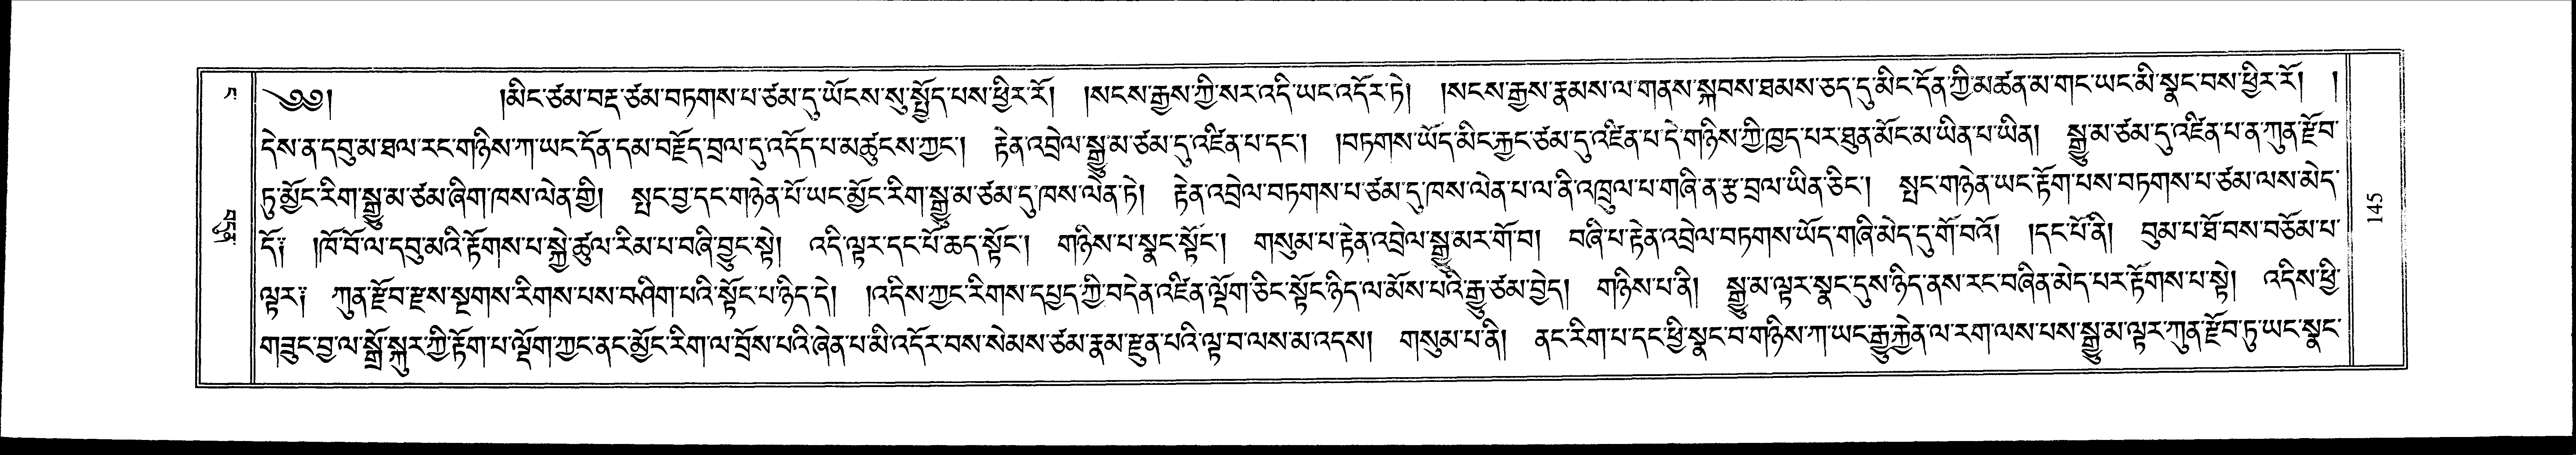༄༅། །མིང་ཙམ་བརྡ་ཙམ་བཏགས་པ་ཙམ་དུ་ཡོངས་སུ་སྤྱོད་པས་ཕྱིར་རོ། །སངས་རྒྱས་ཀྱི་སར་འདི་ཡང་འདོར་ཏེ། །སངས་རྒྱས་རྣམས་ལ་གནས་སྐབས་ཐམས་ཅད་དུ་མིང་དོན་ཀྱི་མཚན་མ་གང་ཡང་མི་སྣང་བས་ཕྱིར་རོ། །
དེས་ན་དབུ་མ་ཐལ་རང་གཉིས་ཀ་ཡང་དོན་དམ་བརྗོད་བྲལ་དུ་འདོད་པ་མཚུངས་ཀྱང་། རྟེན་འབྲེལ་སྒྱུ་མ་ཙམ་དུ་འཛིན་པ་དང་། །བཏགས་ཡོད་མིང་རྐྱང་ཙམ་དུ་འཛིན་པ་དེ་གཉིས་ཀྱི་ཁྱད་པར་ཐུན་མོང་མ་ཡིན་པ་ཡིན། སྒྱུ་མ་ཙམ་དུ་འཛིན་པ་ན་ཀུན་རྫོབ་
ཏུ་མྱོང་རིག་སྒྱུ་མ་ཙམ་ཞིག་ཁས་ལེན་གྱི། སྤང་བྱ་དང་གཉེན་པོ་ཡང་མྱོང་རིག་སྒྱུ་མ་ཙམ་དུ་ཁས་ལེན་ཏེ། རྟེན་འབྲེལ་བཏགས་པ་ཙམ་དུ་ཁས་ལེན་པ་ལ་ནི་འཁྲུལ་པ་གཞི་ན་རྩ་བྲལ་ཡིན་ཅིང་། སྤང་གཉེན་ཡང་རྟོག་པས་བཏགས་པ་ཙམ་ལས་མེད་
དོ། །ཁོ་བོ་ལ་དབུ་མའི་རྟོགས་པ་སྐྱེ་ཚུལ་རིམ་པ་བཞི་བྱུང་སྟེ། འདི་ལྟར་དང་པོ་ཆད་སྟོང་། གཉིས་པ་སྣང་སྟོང་། གསུམ་པ་རྟེན་འབྲེལ་སྒྱུ་མར་གོ་བ། བཞི་པ་རྟེན་འབྲེལ་བཏགས་ཡོད་གཞི་མེད་དུ་གོ་བའོ། །དང་པོ་ནི། བུམ་པ་ཐོ་བས་བཅོམ་པ་
ལྟར། ཀུན་རྫོབ་རྫས་སྔགས་རིགས་པས་བཤིག་པའི་སྟོང་པ་ཉིད་དེ། །འདིས་ཀྱང་རིགས་དཔྱད་ཀྱི་བདེན་འཛིན་ལྡོག་ཅིང་སྟོང་ཉིད་ལ་མོས་པའི་རྒྱུ་ཙམ་བྱེད། གཉིས་པ་ནི། སྒྱུ་མ་ལྟར་སྣང་དུས་ཉིད་ནས་རང་བཞིན་མེད་པར་རྟོགས་པ་སྟེ། འདིས་ཕྱི་
གཟུང་བྱ་ལ་སྒྲོ་སྐུར་ཀྱི་རྟོག་པ་ལྡོག་ཀྱང་ནང་མྱོང་རིག་ལ་བྲོས་པའི་ཞེན་པ་མི་འདོར་བས་སེམས་ཙམ་རྣམ་རྫུན་པའི་ལྟ་བ་ལས་མ་འདས། གསུམ་པ་ནི། ནང་རིག་པ་དང་ཕྱི་སྣང་བ་གཉིས་ཀ་ཡང་རྒྱུ་རྐྱེན་ལ་རག་ལས་པས་སྒྱུ་མ་ལྟར་ཀུན་རྫོབ་ཏུ་ཡང་སྣང་